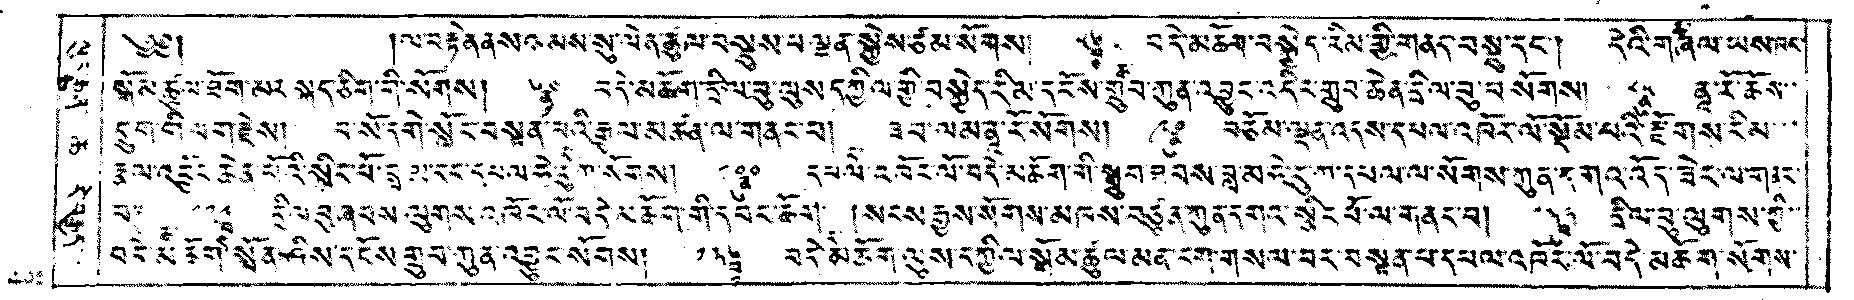༄༅། །ལ་བརྟེན་ནས་ཉམས་སུ་ལེན་ཚུལ་བསྡུས་པ་ལྷན་སྐྱེས་ཙམ་སོགས། ༥༦་བ ༤་བདེ་མཆོག་བསྐྱེད་རིམ་གྱི་གནད་བསྡུ་དང་། དེའི་གཞལ་ཆ་ཡས་ཁང་
སྒོམ་ཚུལ་ཐོག་མར་སྐད་ཅིག་གི་སོགས། ༦༤་ན ༡་བདེ་མཆོག་དྲིལ་བུ་ལུས་དཀྱིལ་གྱི་བསྐྱེད་རིམ་དངོས་གྲུབ་ཆ་ཀུན་འབྱུང་འདིར་གྲུབ་ཆེན་དྲིལ་བུ་པ་སོགས། ༨༥་ན ༦་ནཱ་རོ་ཆོས་
དྲུག་གི་ལག་རྗེས། བ་སོ་དགེ་སློང་བསྟན་པའི་རྒྱལ་མཚན་ལ་གནང་བ། ཟབ་ལམ་ནཱ་རོ་སོགས། ༩༠་ན ༦་བཅོམ་ལྡན་འདས་དཔལ་འཁོར་ལོ་སྡོམ་པའི་རྫོགས་རིམ་
རྣལ་འབྱོར་ཆེན་པོའི་སྙིང་པོ་བླ་མ་དང་དཔལ་ཧེ་རུ་ཀ་སོགས། ༡༠༠་ན ༦་དཔལ་ར་འཁོར་ལོ་བདེ་མཆོག་གི་སྒྲུབ་ཐབས་བླ་མ་ཧེ་རུ་ཀ་དཔལ་ལ་སོགས་ཀུན་དགའ་འོད་ཟེར་ལ་གནང་
བ༑ ༡༡༩་པ ༤་དྲིལ་བུ་ཞབས་ལུགས་འཁོར་ལོ་བདེ་མཆོག་གི་དབང་ཆོག །སངས་རྒྱས་སོགས་མཁས་བཙུན་ཀུན་དགའ་སྙིང་པོ་ལ་གནང་བ། ༡༣༢་བ ༦་དྲིལ་བུ་ལུགས་ཀྱི་
བདེ་མཆོག་ཆ་སྨོན་ཤིས་དངོས་གྲུབ་ཀུན་འབྱུང་སོགས། ༡༣༦་བ ༡་བདེ་ར་མཆོག་ལུས་དཀྱིལ་སྒོམ་ཚུལ་མན་ངག་གསལ་བར་བསྟན་པ་དཔལ་འཁོར་ལོ་བདེ་མཆོག་སོགས་